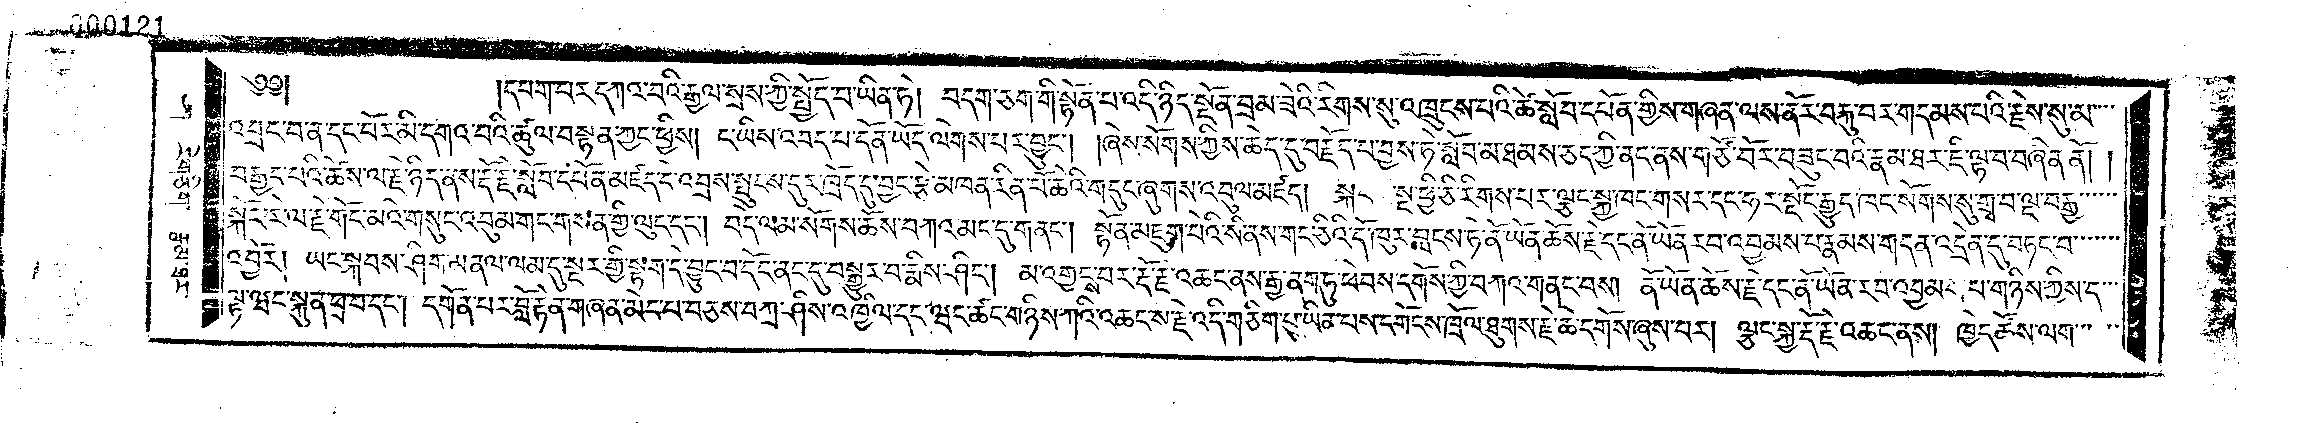༄༅། །དཔག་པར་དཀའ་བའི་རྒྱལ་སྲས་ཀྱི་སྤྱོད་བ་ཡིན་ཏེ། བདག་ཅག་གི་སྟོན་པ་འདི་ཉིད་སྔོན་བྲམ་ཟེའི་རིགས་སུ་འཁྲུངས་པའི་ཚེ་སློབ་དཔོན་གྱིས་གཞན་ལས་ནོར་བརྐུ་བར་གདམས་པའི་རྗེས་སུ་མ་
འབྲང་བ་ན་དང་པོར་མི་དགའ་བའི་ཚུལ་བསྟན་ཀྱང་ཕྱིས། ང་ཡིས་འབད་པ་དོན་ཡོད་ལེགས་པར་བྱུང་། །ཞེས་སོགས་ཀྱིས་ཆེད་དུ་བརྗོད་པ་བྱས་ཏེ་སློབ་མ་ཐམས་ཅད་ཀྱི་ནང་ནས་གཙོ་བོར་བཟུང་བའི་རྣམ་ཐར་ཇི་ལྟ་བ་བཞིན་ནོ། །
བརྒྱད་པའི་ཚེས་ལ་རྗེ་ཉིད་ནས་རྡོ་རྗེ་སློབ་དཔོན་མཛད་དེ་འབྲས་སྤུངས་དུར་ཁྲོད་དུ་བྱང་རྩེ་མཁན་རིན་པོ་ཆེའི་གདུང་ཞུགས་འབུལ་མཛད། སྐབས་སྔ་ཕྱི་ཅི་རིགས་པར་ལྕང་སྐ་ཁང་གསར་དང་ཧར་སྡོང་རྒྱུད་ཁང་སོགས་སུ་གྲྭ་བ་ལྔ་བརྒྱ་
སྐོར་རེ་ལ་རྗེ་གོང་མའི་གསུང་འབུམ་གང་གསན་གྱི་ལུང་དང་། བདེ་ལམ་སོགས་ཆོས་བཀའ་མང་དུ་གནང་། སྟོན་མཇུག་པའི་སི་ནས་གང་ཅིའི་དེ་ཁུར་བླངས་ཏེ་ནོ་ཡོན་ཆོས་རྗེ་དང་ནོ་ཡོན་རབ་འབྱམས་པ་རྣམས་གདན་འདྲེན་དུ་བཏང་བ་
འབྱོར། ཡང་སྐབས་ཤིག་མནལ་ལམ་དུ་སྔར་གྱི་སྟག་དེ་བྱུང་བ་དོང་ནང་དུ་བསྒྱུར་བ་རྨིས་ཤིང་། མ་འགྱངས་པར་རྡོ་རྗེ་འཆང་ནས་རྒྱ་ནག་ཏུ་ཕེབས་དགོས་ཀྱི་བཀའ་གནང་བས། ནོ་ཡོན་ཆོས་རྗེ་དང་ནོ་ཡོན་རབ་འབྱམས་པ་གཉིས་ཀྱིས་ད་
ལྟ་ཝང་སྐུ་ན་ཕྲ་བ་དང་། དགོན་པར་བློ་རྟེན་གཞན་མེད་པ་བཅས་བཀྲ་ཤིས་འཁྱིལ་དང་ཝང་ཚང་གཉིས་ཀའི་འཆང་ས་རྗེ་འདི་གཅིག་པུ་ཡིན་པས་དགོངས་ཁྲོལ་ཐུགས་རྗེ་ཆེ་དགོས་ཞུས་པར། ལྕང་སྐྱ་རྡོ་རྗེ་འཆང་ནས། ཁྱེད་ཚོས་ལག་